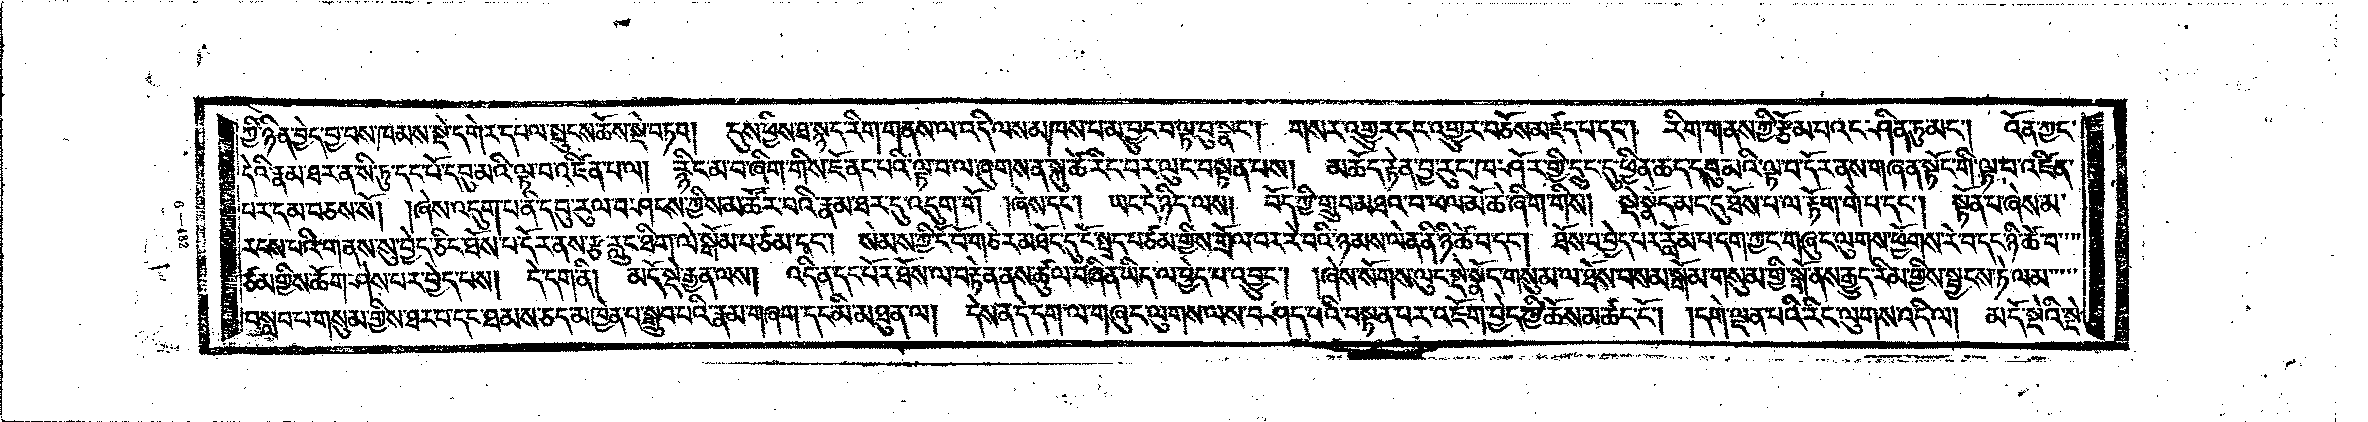ཀྱི་ཉིན་བྱེད་བྱ་བས་ཁམས་སྡེ་དགེར་དཔལ་སྤུངས་ཆོས་སྡེ་བཏབ། དུས་ཕྱིས་ཐ་སྙད་རིག་གནས་ལ་འདི་ལས་མཁས་པ་མ་བྱུང་བ་ལྟ་བུ་སྣང་། གསར་འགྱུར་དང་འགྱུར་བཅོས་མཛད་པ་དང་། རིག་གནས་ཀྱི་རྩོམ་པའང་ཤིན་ཏུ་མང་། འོན་ཀྱང་
དེའི་རྣམ་ཐར་ན་སི་ཏུ་དང་པོ་དབུ་མའི་ལྟ་བ་འཛིན་པ་ལ། རྙིང་མ་བ་ཞིག་གིས་ཇོ་ནང་པའི་ལྟ་བ་ལ་ཞུགས་ན་སྐུ་ཚེ་རིང་བར་ལུང་བསྟན་པས། མཆོད་རྟེན་བྱ་རུང་ཁ་ཤོར་གྱི་དྲུང་དུ་ཕྱིན་ཆད་དབུ་མའི་ལྟ་བ་དོར་ནས་གཞན་སྟོང་གི་ལྟ་བ་འཛིན་
པར་དམ་བཅས་སོ། །ཞེས་འདུག་པ་ནི་དབུ་རུལ་བ་ཤངས་ཀྱིས་མ་ཚོར་བའི་རྣམ་ཐར་དུ་འདུག་གོ །ཞེས་དང་། ཡང་དེ་ཉིད་ལས། བོད་ཀྱི་གྲུབ་མཐའ་བ་ཕལ་མོ་ཆེ་ཞིག་གིས། སྡེ་སྣོད་མང་དུ་ཐོས་པ་ལ་རྟོག་གེ་བ་དང་། སྟོན་པ་ཞེས་མ་
རངས་པའི་གནས་སུ་བྱེད་ཅིང་ཐོས་པ་དོར་ནས་རྩ་རླུང་ཐིག་ལེ་སྒོམ་པ་ཙམ་དང་། སེམས་ཀྱི་ངོ་བོ་གཅེར་མཐོང་དུ་ངོ་སྤྲད་པ་ཙམ་གྱིས་གྲོལ་བར་རེ་བའི་ཉམས་ལེན་ནི་ཉི་ཚེ་བ་དང་། ཐོས་པ་བྱེད་པར་རློམ་པ་དག་ཀྱང་གཞུང་ལུགས་ཕྱོགས་རེ་བ་དང་ཉི་ཚེ་བ་
ཙམ་གྱིས་ཆོག་ཤེས་པར་བྱེད་པས། དེ་དག་ནི། མདོ་སྡེ་རྒྱན་ལས། འདི་ན་དང་པོར་ཐོས་ལ་བརྟེན་ནས་ཚུལ་བཞིན་ཡིད་ལ་བྱེད་པ་འབྱུང་། །ཞེས་སོགས་ལུང་སྡེ་སྣོད་གསུམ་ལ་ཐོས་བསམ་སྒོམ་གསུམ་གྱི་སྒོ་ནས་རྒྱུད་རིམ་གྱིས་སྦྱངས་ཏེ་ལམ་
བསླབ་པ་གསུམ་གྱིས་ཐར་པ་དང་ཐམས་ཅད་མཁྱེན་པ་སྒྲུབ་པའི་རྣམ་གཞག་དང་མི་མཐུན་ལ། དེས་ན་དེ་དག་ལ་གཞུང་ལུགས་ལས་བཤད་པའི་བསྟན་པར་འཇོག་བྱེད་ཀྱི་ཆོས་མ་ཚང་ངོ། །དགེ་ལྡན་པའི་རིང་ལུགས་འདི་ལ། མདོ་སྡེའི་སྡེ་